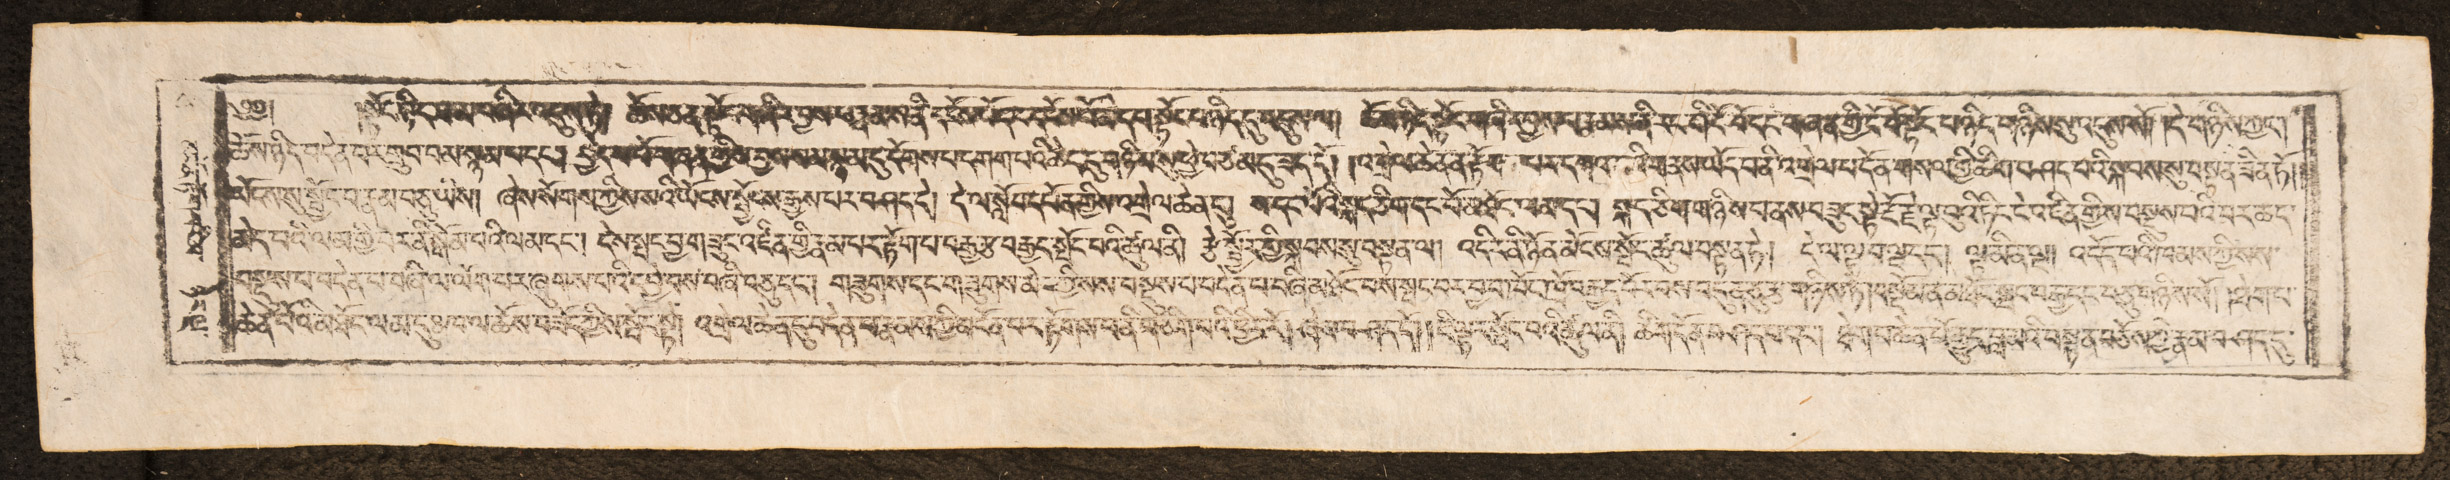༄༅། །སྟོང་ཉིད་ཐ་མ་བཞིར་འདུས་ཏེ། ཆོས་ཅན་སྟོང་གཞིར་བྱས་པ་རྣམས་ནི་དངོས་པོ་དང་དངོས་པོ་མེད་པ་སྟོང་པ་ཉིད་དུ་འདུས་ལ། ཆོས་ཉིད་སྟོང་གཞིར་བྱས་པ་རྣམས་ནི་རང་གི་ངོ་བོ་དང་གཞན་གྱི་ངོ་བོ་སྟོང་པ་ཉིད་གཉིས་སུ་འདུས་སོ། །དེ་གཉིས་ཀྱང་།
ཆོས་ཉིད་བདེན་པར་གྲུབ་པ་མ་སྙམ་པ་དང་། བྱེད་པ་པོ་གཞན་གྱིས་བྱས་སམ་སྙམ་དུ་དོགས་པ་དགག་པའི་ཆེད་དུ་གཉིས་སུ་ཕྱེ་བ་ཙམ་དུ་ཟད་དོ། །འགྲེལ་ཆེན་ན་རྟོགས་པར་དཀའ་བའི་གནས་ཡོད་པ་ནི་འགྲེལ་པ་དོན་གསལ་གྱི་ཚིག་བཤད་པའི་སྐབས་སུ་བསྟན་ཟིན་ཏོ།།
ཡོངས་སུ་སྦྱོང་བ་རྣམ་བཅུ་ཡིས། ཞེས་སོགས་ཀྱིས་སའི་ཡོངས་སྦྱོངས་རྒྱས་པར་བཤད་དེ། དེ་ལ་སློབ་དཔོན་གྱིས་འགྲེལ་ཆེན་དུ། ས་དང་པོའི་སྐད་ཅིག་དང་པོ་མཐོང་ལམ་དང་། སྐད་ཅིག་གཉིས་པ་ནས་བཟུང་སྟེ་རྡོ་རྗེ་ལྟ་བུའི་ཏིང་ངེ་འཛིན་གྱིས་བསྡུས་པའི་བར་ཆད་
མེད་པའི་ལམ་གྱི་བར་ནི་སྒོམ་པའི་ལམ་དང་། དེས་སྤང་བྱ་གཟུང་འཛིན་གྱི་རྣམ་པར་རྟོག་པ་བརྒྱ་རྩ་བརྒྱད་སྤོང་བའི་ཚུལ་ནི། རྩེ་སྦྱོར་གྱི་སྐབས་སུ་བསྟན་ལ། འདིར་ནི་ཉོན་མོངས་སྤོང་ཚུལ་བསྟན་ཏེ། དེ་ལ་ལྟ་བ་ལྔ་དང་། ལྟ་མིན་ལྔ། འདོད་པའི་ཁམས་ཀྱི་སས་
བསྡུས་པ་བདེན་པ་བཞི་ལ་ལོག་པར་ཞུགས་པའི་དབྱེ་བས་བཞི་བཅུ་དང་། གཟུགས་དང་གཟུགས་མེད་ཀྱི་སས་བསྡུས་པ་བདེན་པ་བཞི་མཐོང་བས་སྤང་བར་བྱ་བ་ཁོང་ཁྲོ་བརྒྱད་པོར་བས་བདུན་ཅུ་རྩ་གཉིས་ཏེ། བསྡོམ་ན་མཐོང་སྤང་བརྒྱ་དང་བཅུ་གཉིས་སོ། །ཐེག་པ་
ཆེན་པོའི་མཐོང་ལམ་དུཿ ཁ་ལ་ཆོས་བཟོད་ཀྱིས་སྤོང་སྟེ། འགྲེལ་ཆེན་དུ་བདེན་པ་རྣམས་ཀྱི་མངོན་པར་རྟོགས་པ་ནི་གཅིག་པའི་ཕྱིར་རོ། །ཞེས་བཤད་དོ། །ཇི་ལྟར་སྤོང་བའི་ཚུལ་ནི། ཚིག་དོན་བཤད་པ་དང་། ཐེག་པ་ཆེན་པོ་རྒྱུད་བླ་མའི་བསྟན་བཅོས་ཀྱི་རྣམ་བཤད་དུ་